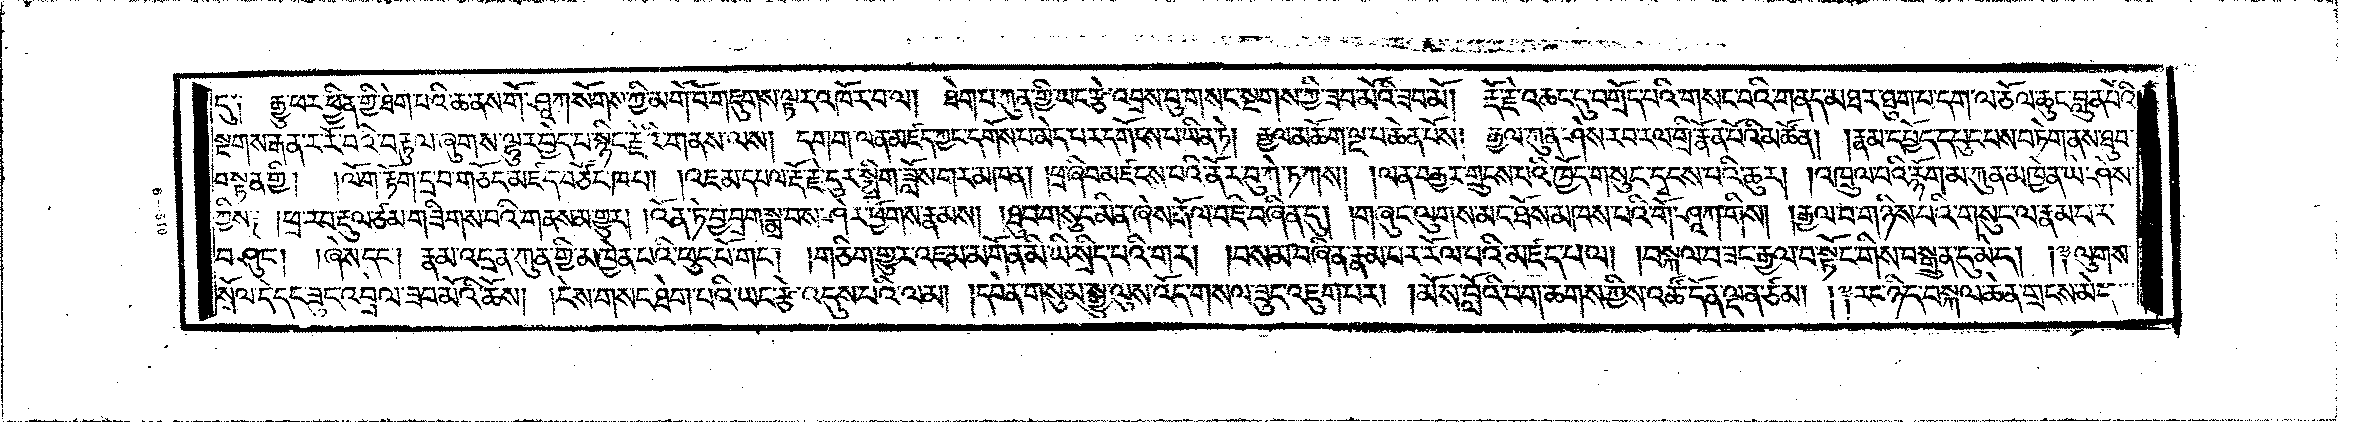དུ༑ རྒྱུ་ཕར་ཕྱིན་གྱི་ཐེག་པའི་ཆ་ནས་གོ་ཤཱཀ་སོགས་ཀྱི་མགོ་བོ་གདུགས་ལྟར་འཁོར་བ་ལ། ཐེག་པ་ཀུན་གྱི་ཡང་རྩེ་འབྲས་བུ་གསང་སྔགས་ཀྱི་ཟབ་མོའི་ཟབ་མོ། རྡོ་རྗེ་འཆང་དུ་བགྲོད་པའི་གསང་བའི་གནད་མཐར་ཐུག་པ་དག་ལ་ཅོལ་ཆུང་བླུན་པོའི་
སྔགས་རྒན་ར་རོ་པའི་བརྟུལ་ཞུགས་ལྷུར་བྱེད་པ་སྙིང་རྗེའི་གནས་ལས། དགག་ལན་མཛད་ཀྱང་དགོས་པ་མེད་པར་དགོངས་པ་ཡིན་ཏེ། རྒྱལ་མཆོག་ལྔ་པ་ཆེན་པོས། རྒྱལ་ཀུན་ཤེས་རབ་རལ་གྲི་རྣོན་པོའི་མཚོན། །རྣམ་དཔྱོད་དཔུང་པས་བཏེག་ནས་ཐུབ་
བསྟན་གྱི། །ལོག་རྟོག་དྲ་བ་གཅོད་མཛད་བཙོང་ཁ་པ། །འཇམ་དཔལ་རྡོ་རྗེ་དུར་སྨྲིག་ཟློས་གར་མཁན། །ཕྲ་ཞིབ་མཛངས་པའི་ནོར་བུ་ཀེ་ཏ་ཀས། །ལན་བརྒྱར་གྲུངས་པའི་ཁྱོད་གསུང་དྭངས་པའི་ཆུར། །འཁྲུལ་པའི་རྙོག་མ་ཀུན་མཁྱེན་ཡེ་ཤེས་
ཀྱིས༑ །ཕྲ་རབ་རྡུལ་ཙམ་གཟིགས་པའི་གནས་མ་གྱུར། །འོན་ཏེ་བྱ་བྲག་སྨྲ་བས་ཤེར་ཕྱོགས་རྣམས། །ཐུབ་གསུང་མིན་ཞེས་རྒོལ་བ་ཇི་བཞིན་དུ། །གཞུང་ལུགས་མང་ཐོས་མཁས་པའི་གོ་ཤཱཀ་གིས། །རྒྱལ་བ་གཉིས་པའི་གསུང་ལ་རྣམ་པར་
བཤུང་། །ཞེས་དང་། རྣམ་འདྲན་ཀུན་གྱི་མཁྱེན་པའི་ཕུང་པོ་གང་། །གཅིག་གྱུར་འཇམ་མགོན་མི་ཡི་སྲིད་པའི་གར། །བསམ་བཞིན་རྣམ་པར་རོལ་པའི་མཛད་པ་ལ། །བསྐལ་བཟང་རྒྱལ་བ་སྟོང་གིས་བསྒྲུན་དུ་མེད། །༈ ལུགས་
སྲོལ་དེ་དང་ཟུང་འབྲེལ་ཟབ་མོའི་ཆོས། །ངེས་གསང་ཐེག་པའི་ཡང་རྩེ་འདུས་པའི་ལམ། །དབེན་གསུམ་སྒྱུ་ལུས་འོད་གསལ་ཟུང་འཇུག་པར། །མོས་བློའི་བག་ཆགས་ཀྱིས་འཚོ་དོན་ལྡན་ཙམ། །༈ རང་ཉིད་བསྐལ་ཆེན་གྲངས་མེད་